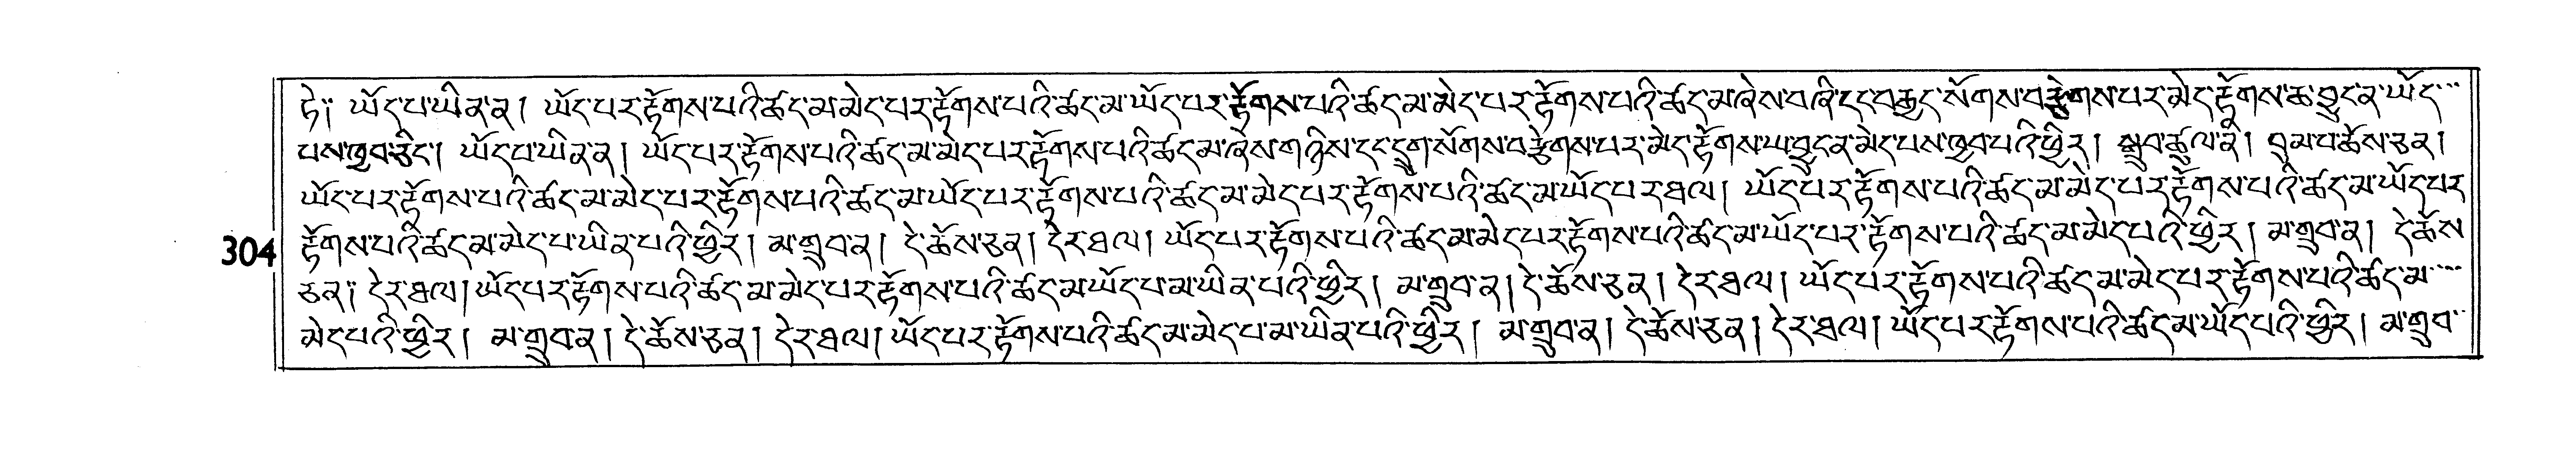ཏེ༑ ཡོད་པ་ཡིན་ན། ཡོད་པར་རྟོགས་པའི་ཚད་མ་མེད་པར་རྟོགས་པའི་ཚད་མ་ཡོད་པར་རྟོགས་པའི་ཚད་མ་མེད་པར་རྟོགས་པའི་ཚད་མ་ཞེས་བཞི་དང་བརྒྱད་སོགས་བརྩེགས་པར་མེད་རྟོགས་ཆ་བྱུང་ན་ཡོད་
པས་ཁྱབ་ཅིང་། ཡོད་པ་ཡིན་ན། ཡོད་པར་རྟོགས་པའི་ཚད་མ་མེད་པར་རྟོགས་པའི་ཚད་མ་ཞེས་གཉིས་དང་དྲུག་སོགས་བརྩེགས་པར་མེད་རྟོགས་ཡ་བྱུང་ན་མེད་པས་ཁྱབ་པའི་ཕྱིར། སྒྲུབ་ཚུལ་ནི། བུམ་པ་ཆོས་ཅན།
ཡོད་པར་རྟོགས་པའི་ཚད་མ་མེད་པར་རྟོགས་པའི་ཚད་མ་ཡོད་པར་རྟོགས་པའི་ཚད་མ་མེད་པར་རྟོགས་པའི་ཚད་མ་ཡོད་པར་ཐལ། ཡོད་པར་རྟོགས་པའི་ཚད་མ་མེད་པར་རྟོགས་པའི་ཚད་མ་ཡོད་པར་
རྟོགས་པའི་ཚད་མ་མེད་པ་ཡིན་པའི་ཕྱིར། མ་གྲུབ་ན། དེ་ཆོས་ཅན། དེར་ཐལ། ཡོད་པར་རྟོགས་པའི་ཚད་མ་མེད་པར་རྟོགས་པའི་ཚད་མ་ཡོད་པར་རྟོགས་པའི་ཚད་མ་མེད་པའི་ཕྱིར། མ་གྲུབ་ན། དེ་ཆོས་
ཅན༑ དེར་ཐལ། ཡོད་པར་རྟོགས་པའི་ཚད་མ་མེད་པར་རྟོགས་པའི་ཚད་མ་ཡོད་པ་མ་ཡིན་པའི་ཕྱིར། མ་གྲུབ་ན། དེ་ཆོས་ཅན། དེར་ཐལ། ཡོད་པར་རྟོགས་པར་ཚད་མ་མེད་པར་རྟོགས་པའི་ཚད་མ་
མེད་པའི་ཕྱིར། མ་གྲུབ་ན། དེ་ཆོས་ཅན། དེར་ཐལ། ཡོད་པར་རྟོགས་པའི་ཚད་མ་མེད་པ་མ་ཡིན་པའི་ཕྱིར། མ་གྲུབ་ན། དེ་ཆོས་ཅན། དེར་ཐལ། ཡོད་པར་རྟོགས་པའི་ཚད་མ་ཡོད་པའི་ཕྱིར། མ་གྲུབ་